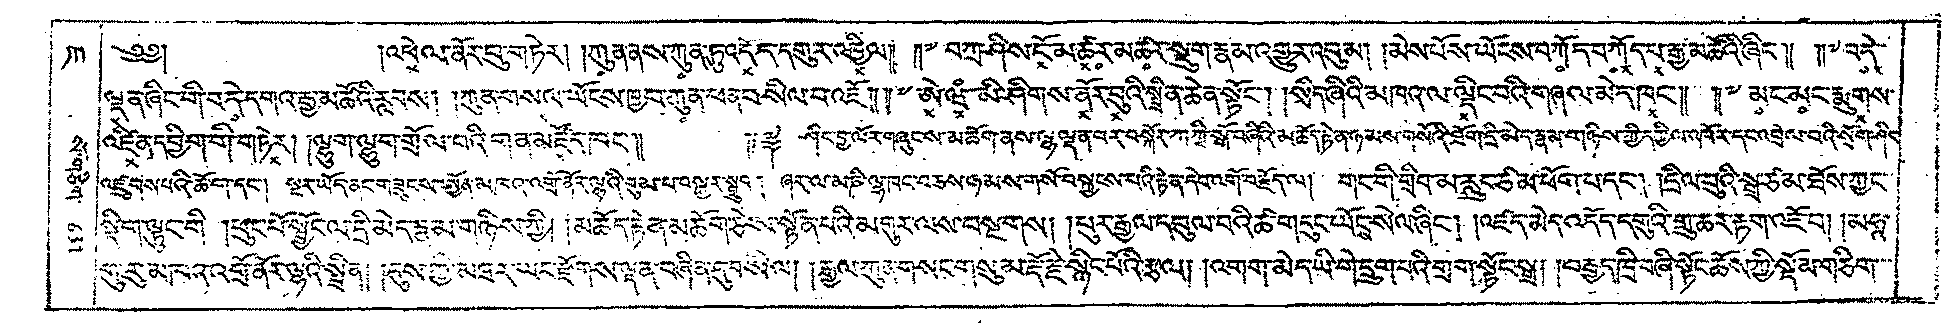༄༅། །འཕེལ་྾་ནོར་བུ་གཏེར། །ཀུན྾་ནས་ཀུན྾་ཏུ་འདོད་྾་དགུར་འཁྱིལ་྾།། །།༧བཀྲ་ཤིས་ངོ་྾་མཚར་྾྾་མཚར྾་སྡུག་རྣམ་འགྱུར་འབུམ། །མེས་པོས་ཡོངས་བཀོད྾་བཀོད྾་྾་པ་྾་རྒྱ་མཚོའི་ཞིང།། །།༧བདེ྾་྾་
ལྡན་྾་ཞིང་གི་བདེ྾་དགའ་རྒྱ་མཚོའི་རླབས། །ཀུན྾་྾་གསལ་྾་ཡོངས་ཁྱབ་ཀུན྾་ཕན་བསིལ་བ་འཇོ།། །།༧ཨེ་྾་ཝཾ་྾་མི་ཤིགས་ནོར་྾་བུའི་྾་སྤྲིན་ཆེན་སྟོང་། །སྲིད་ཞིའི་མཁའ་ལ་ལྡིང་྾་བའི་གཞལ་མེད་ཁང་྾།། །། ༈ མང྾་མང྾་རྨུགས་
འཛིན་དབྱིག་གི་གཏེར་྾། །ལྷུག་ལྷུག་གྲོལ་བའི་གན་མཛོད་྾་ཁང།། །། ༈ ཤིང་བྱ་ལོར་གཞུང་ས་མཆོག་ནས་ལྷ་ལྡན་པར་བསྐོར་ཀཀྞི་སྒོ་བཞིའི་མཆོད་རྟེན་ཉམས་གསོའི་ཐོག་དྲི་མེད་རྣམ་གཉིས་ཀྱི་དཀྱིལ་འཁོར་དང་འབྲེལ་བའི་སྲོག་ཤིང་
འཛུགས་པའི་ཆོ་ག་དང་། སྔར་ཡོད་ནང་གཟུངས་+ཡོན་མཁའ་འགྲོ་ནོར་ལྷའི་བུམ་པ་བསྐྱར་སྒྲུབ། ཞར་ལ་མ་ཎི་ལྷ་ཁང་བཅས་ཉམས་གསོ་བསྐྱངས་པའི་རྟེན་དེབ་འགོ་བརྗོད་ལ། གང་གི་གྲིབ་མ་རླུང་ཙམ་ཕོག་པ་དང་། །དྲིལ་བུའི་སྒྲ་ཙམ་ཐོས་ཀྱང་
སྡིག་ལྟུང་གི །ཕུང་པོ་སྦྱོང་ལ་དྲི་མེད་རྣམ་གཉིས་ཀྱི། །མཆོད་རྟེན་མཆོག་ཅེས་སྟོན་པའི་མགུར་ལས་བསྔགས། །པུར་རྒྱལ་དབུལ་བའི་ཚ་གདུང་ཡོངས་སེལ་ཞིང་། །འཛད་མེད་འདོད་དགུའི་གྲུ་ཆར་རྟག་འཇོ་བ། །མཧཱ་
གུ་རུ་མཁའ་འགྲོ་ནོར་ལྷའི་སྤྲིན། །དུས་ཀྱི་མཐར་ཡང་རྫོགས་ལྡན་བཞིན་དུ་བསིལ། །རྒྱལ་ཀུན་གསང་གསུམ་རྡོ་རྗེ་སྙིང་པོའི་རྩལ། །འགག་མེད་ཡི་གེ་དྲུག་པའི་གྲག་སྟོང་སྒྲ། །བརྒྱད་ཁྲི་བཞི་སྟོང་ཆོས་ཀྱི་སྡོམ་གཅིག་